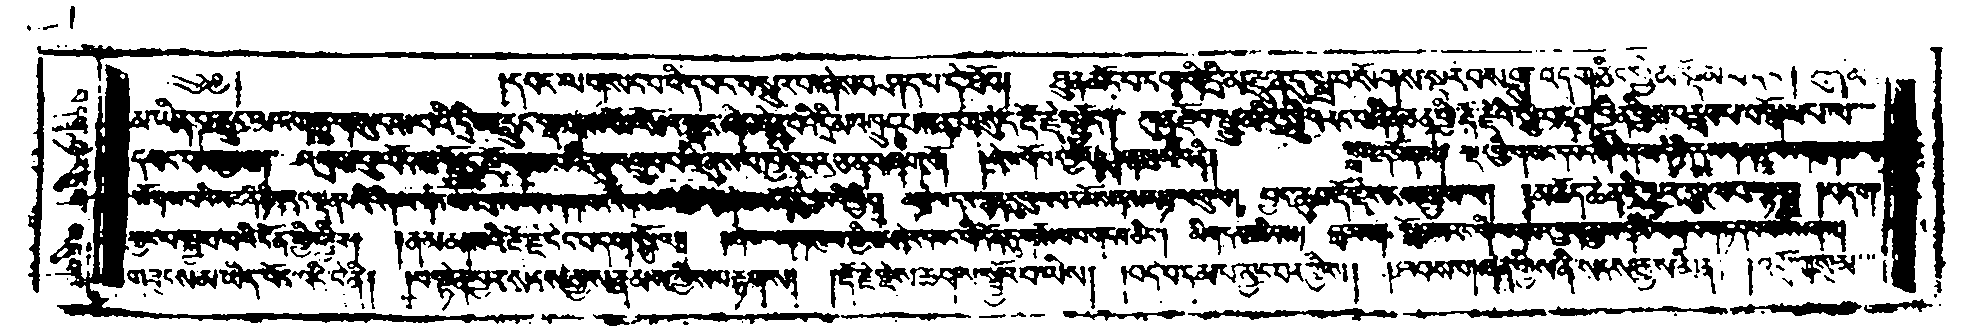༄༅། །དྲུག་པའི་རྣམ་པ་ཅན་དུ་གསལ་བར་གྱུར། རིག་མ་སྟོང་པ་ཉིད་དུ་གྱུར། སྟོང་པའི་ངང་ལས་ཧཱུཾ་ལས་གྲི་གུག་ཧཱུཾ་གིས་མཚན་པ་ཡོངས་སུ་གྱུར་བ་ལས། ཡུམ་རོ་
ལངས་མ་སྔོན་མོ་གྲི་གུག་དང་ཐོད་པ་འཛིན་པར་གྱུར། རང་གི་གསང་གནས་མི་དམིགས་པའི་ངང་ལས་ཧཱུཾ་ལས་བྱུང་བའི་རྡོ་རྗེ་སྔོན་པོ་རྩེ་ལྔ་བ། ཨོཾ་ལས་བྱུང་བའི་ནོར་བུ་བུ་ག་ཕཊ་ཀྱིས་བཀག་པ། ཡུམ་གྱི་
གསང་གནས་མི་དམིགས་པའི་ངང་ལས་ཧཱུཾ་ལས་བྱུང་བའི་པདམ་དམར་པོ་འདབ་མ་བརྒྱད་པ། ཨཱཿ ལས་བྱུང་བའི་ཟེའུ་འབྲུ་བུ་ག་ཕཊ་ཀྱིས་བཀག་པ། རྣལ་འབྱོར་བ་ཡིས་ཇི་སྲིད་དུ། །བྱང་སེམས་
འབྱིན་པར་མི་བྱེད་པ། །དེ་སྲིད་ཐོབ་འགྱུར་རྒྱུན་མི་ཆད། །དགའ་བ་ལས་སྐྱེས་བདེ་གཞན་ཅི། །དངོས་གྲུབ་ཀུན་གྱི་གཏེར་གྱུར་བའི། །བྱང་ཆུབ་སེམས་ནི་ལྷུང་གྱུར་ན། །ཕུང་པོ་རྣམ་ཤེས་རྒྱལ་བ་ལ། །
མ་སྨད་དངོས་གྲུབ་ག་ལ་ཡོད། །མཁའ་ཁམ་རྡོ་རྗེའི་ཀུན་སྤྱོར་དང་། །རེག་བཅས་ཀྱི་ནི་རྨད་བྱུང་ཆེའི། །བདེ་བ་སྐྱེད་པར་བྱེད་པ་གང་། །དེ་ནི་མཆོག་དགའ་བྱེད་པའོ། །དགའ་བྲལ་དག་གི་དབུས་སུ་ནི། །
མཚོན་བར་ལྟོས་ལ་བརྟན་བར་གྱིས། །པདམའི་ནམ་མཁར་རྡོ་རྗེ་ཡི། །ལྟེ་བས་མནན་པའི་གནས་དག་ཏུ། །རྡོ་རྗེ་སྐྱིལ་ཀྲུང་དག་གིས་སེམས། །ནོར་བུའི་ནང་དུ་སོན་བ་ལྟ་ཞིང་། །ཡེ་ཤེས་སྐྱེ་བ་གང་ཡིན་